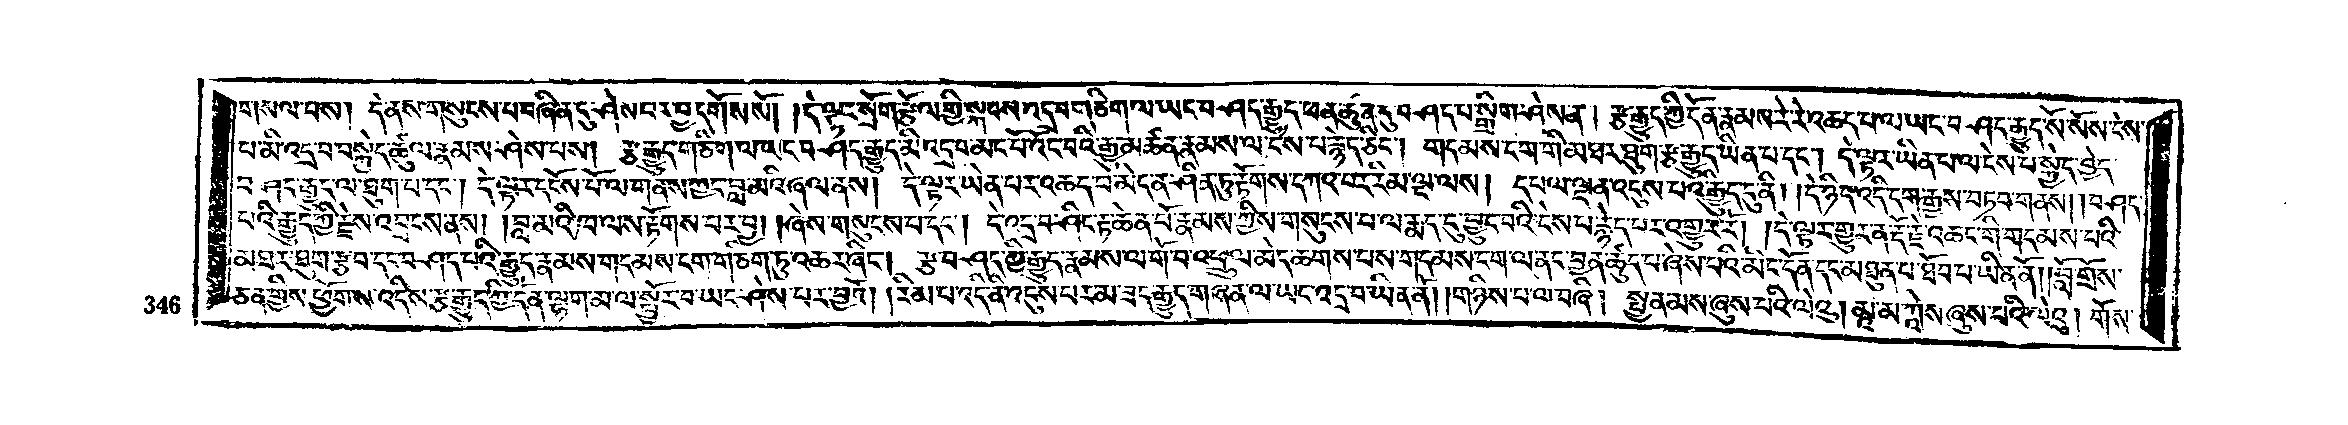གསལ་བས། དེ་ནས་གསུངས་པ་བཞིན་དུ་ཤེས་པར་བྱ་དགོས་སོ། །དེ་ལྟར་སྲོག་རྩོལ་གྱི་སྐབས་འདྲ་བ་གཅིག་ལ་ཡང་བཤད་རྒྱུད་ཕན་ཚུན་དུ་བཤད་པ་སྒྲིག་ཤེས་ན། རྩ་རྒྱུད་ཀྱི་དོན་རྣམས་རེ་རེ་འཆད་པ་ལ་ཡང་བཤད་རྒྱུད་སོ་སོས་ངེས་
པ་མི་འདྲ་བ་བསྐྱེད་ཚུལ་རྣམས་ཤེས་པས། རྩ་རྒྱུད་གཅིག་ལ་ཡང་བཤད་རྒྱུད་མི་འདྲ་བ་མང་པོ་འོང་བའི་རྒྱུ་མཚན་རྣམས་ལ་ངེས་པ་རྙེད་ཅིང་། གདམས་ངག་གི་མཐར་ཐུག་རྩ་རྒྱུད་ཡིན་པ་དང་། དེ་ལྟར་ཡིན་པ་ལ་ངེས་པ་སྐྱེད་བྱེད་
བཤད་རྒྱུད་ལ་ཐུག་པ་དང་། དེ་ལྟར་དངོས་པོ་ལ་གནས་ཀྱང་བླ་མའི་ཞལ་ནས། དེ་ལྟར་ཡིན་པར་འཆད་པ་མེད་ན་ཤིན་ཏུ་རྟོགས་དཀའ་བར་རིམ་ལྔ་ལས། དཔལ་ལྡན་འདུས་པའི་རྒྱུད་དུ་ནི། །དེ་ཉིད་འདི་དག་རྒྱས་བཏབ་གནས། །བཤད་
པའི་རྒྱུད་ཀྱི་རྗེས་འབྲངས་ནས། །བླ་མའི་ཁ་ལས་རྟོགས་པར་བྱ། །ཞེས་གསུངས་པ་དང་། དེ་འདྲ་བ་ཤིང་རྟ་ཆེན་པོ་རྣམས་ཀྱིས་གསུངས་པ་ལ་རྨད་དུ་བྱུང་བའི་ངེས་པ་རྙེད་པར་འགྱུར་རོ། །དེ་ལྟར་གྱུར་ན་རྡོ་རྗེ་འཆང་གི་གདམས་པའི་
མཐར་ཐུག་རྩ་བ་དང་བཤད་པའི་རྒྱུད་རྣམས་གདམས་ངག་གཅིག་ཏུ་འཆར་ཞིང་། རྩ་བཤད་ཀྱི་རྒྱུད་རྣམས་ལ་གོ་བ་འཕྲུལ་མེད་ཆགས་པས་གདམས་ངག་ལ་ནང་བྱན་ཚུད་པ་ཞེས་པའི་མིང་དོན་དང་མཐུན་པ་ཐོབ་པ་ཡིན་ནོ། །བློ་གྲོས་
ཅན་གྱིས་ཕྱོགས་འདིས་རྩ་རྒྱུད་ཀྱི་དོན་ལྷག་མ་ལ་སྦྱོར་བ་ཡང་ཤེས་པར་བྱའོ། །རིམ་པ་འདི་ནི་འདུས་པར་མ་ཟད་རྒྱུད་གཞན་ལ་ཡང་འདྲ་བ་ཡིན་ནོ། །གཉིས་པ་ལ་བཞི། སྤྱན་མས་ཞུས་པའི་ལེའུ། མཱ་མ་ཀཱིས་ཞུས་པའི་ལེའུ། གོས་